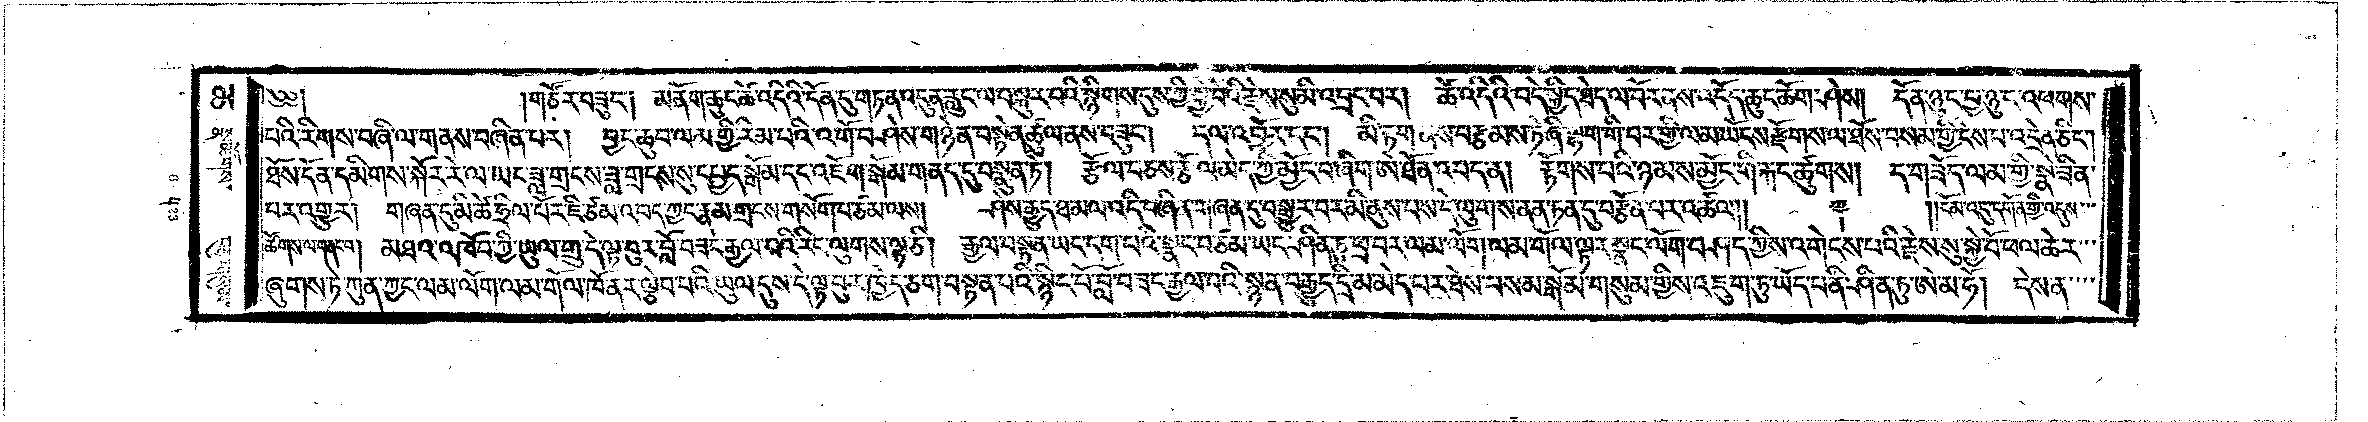༄༅། །གཙོར་བཟུང་། མནོག་ཆུང་ཚེ་འདིའི་དོན་དུ་གཏན་འདུན་རླུང་ལ་བསྐུར་བའི་སྙིགས་དུས་ཀྱི་སྐྱེ་བོའི་རྗེས་སུ་མི་འབྲང་བར། ཚེ་འདིའི་བདེ་སྐྱིད་ཐེད་ལ་བོར་ནས་འདོད་ཆུང་ཆོག་ཤེས། དོན་ཉུང་བྱ་ཉུང་འཕགས་
པའི་རིགས་བཞི་ལ་གནས་བཞིན་པར། བྱང་ཆུབ་ལམ་གྱི་རིམ་པའི་འགོ་བཤེས་གཉེན་བསྟེན་ཚུལ་ནས་བཟུང་། དལ་འབྱོར་དང་། མི་རྟག་ནས་བརྩམས་ཏེ་ཞི་ལྷག་གི་བར་གྱི་ལམ་ཡོངས་རྫོགས་ལ་ཐོས་བསམ་གྱི་ངེས་པ་འདྲེན་ཅིང་།
ཐོས་དོན་དམིགས་སྐོར་རེ་ལ་ཡང་ཟླ་གྲངས་ཟླ་གྲངས་སུ་དཔྱད་སྒོམ་དང་འཇོག་སྒོམ་གནད་དུ་བསྣུན་ཏེ། རྩོལ་བཅས་རྩོལ་མེད་ཀྱི་མྱོང་བ་ཞིག་ཨེ་ཐོན་འབད་ན། རྟོགས་པའི་ཉམས་མྱོང་གི་རྐང་ཚུགས། ད་གཟོད་ལམ་གྱི་སྣེ་ཟིན་
བར་འགྱུར། གཞན་དུ་མི་ཚེ་ཧྲིལ་པོར་ཇི་ཙམ་འབད་ཀྱང་རྣམ་གྲངས་གསོག་པ་ཙམ་ལས། ཤེས་རྒྱུད་ཐ་མལ་འདི་བཞིན་གཞན་དུ་བསྒྱུར་བར་མི་ནུས་པས་དེ་ལུགས་ནན་ཏན་དུ་བརྩོན་པར་འཚལ།། ༈ །།དོམ་འདུ་དགོན་གྱི་འདུས་
ཚོགས་ལ་གནང་བ། མཐའ་འཁོབ་ཀྱི་ཡུལ་གྲུ་དེ་ལྟ་བུར་བློ་བཟང་རྒྱལ་བའི་རིང་ལུགས་ལྷ་ཅི། རྒྱལ་བསྟན་ཡང་དག་པའི་སྣང་བ་ཙམ་ཡང་ཤིན་ཏུ་ཕྲ་བར་ལམ་ལོག་ལམ་གོལ་ལྟར་སྣང་ལོག་བཤད་ཀྱིས་འགེངས་པའི་རྗེས་སུ་སྐྱེ་བོ་ཕལ་ཆེར་
ཞུགས་ཏེ་ཀུན་ཀྱང་ལམ་ལོག་ལམ་གོལ་ཁོ་ནར་ལྕེབ་པའི་ཡུལ་དུས་དེ་ལྟ་བུར་ཁྱེད་ཅག་བསྟན་པའི་སྙིང་པོ་བློ་བཟང་རྒྱལ་བའི་སྙན་བརྒྱུད་དྲི་མ་མེད་པར་ཐོས་བསམ་སྒོམ་གསུམ་གྱིས་འཇུག་ཏུ་ཡོད་པ་ནི་ཤིན་ཏུ་ཨེ་མ་ཧོ། དེས་ན་